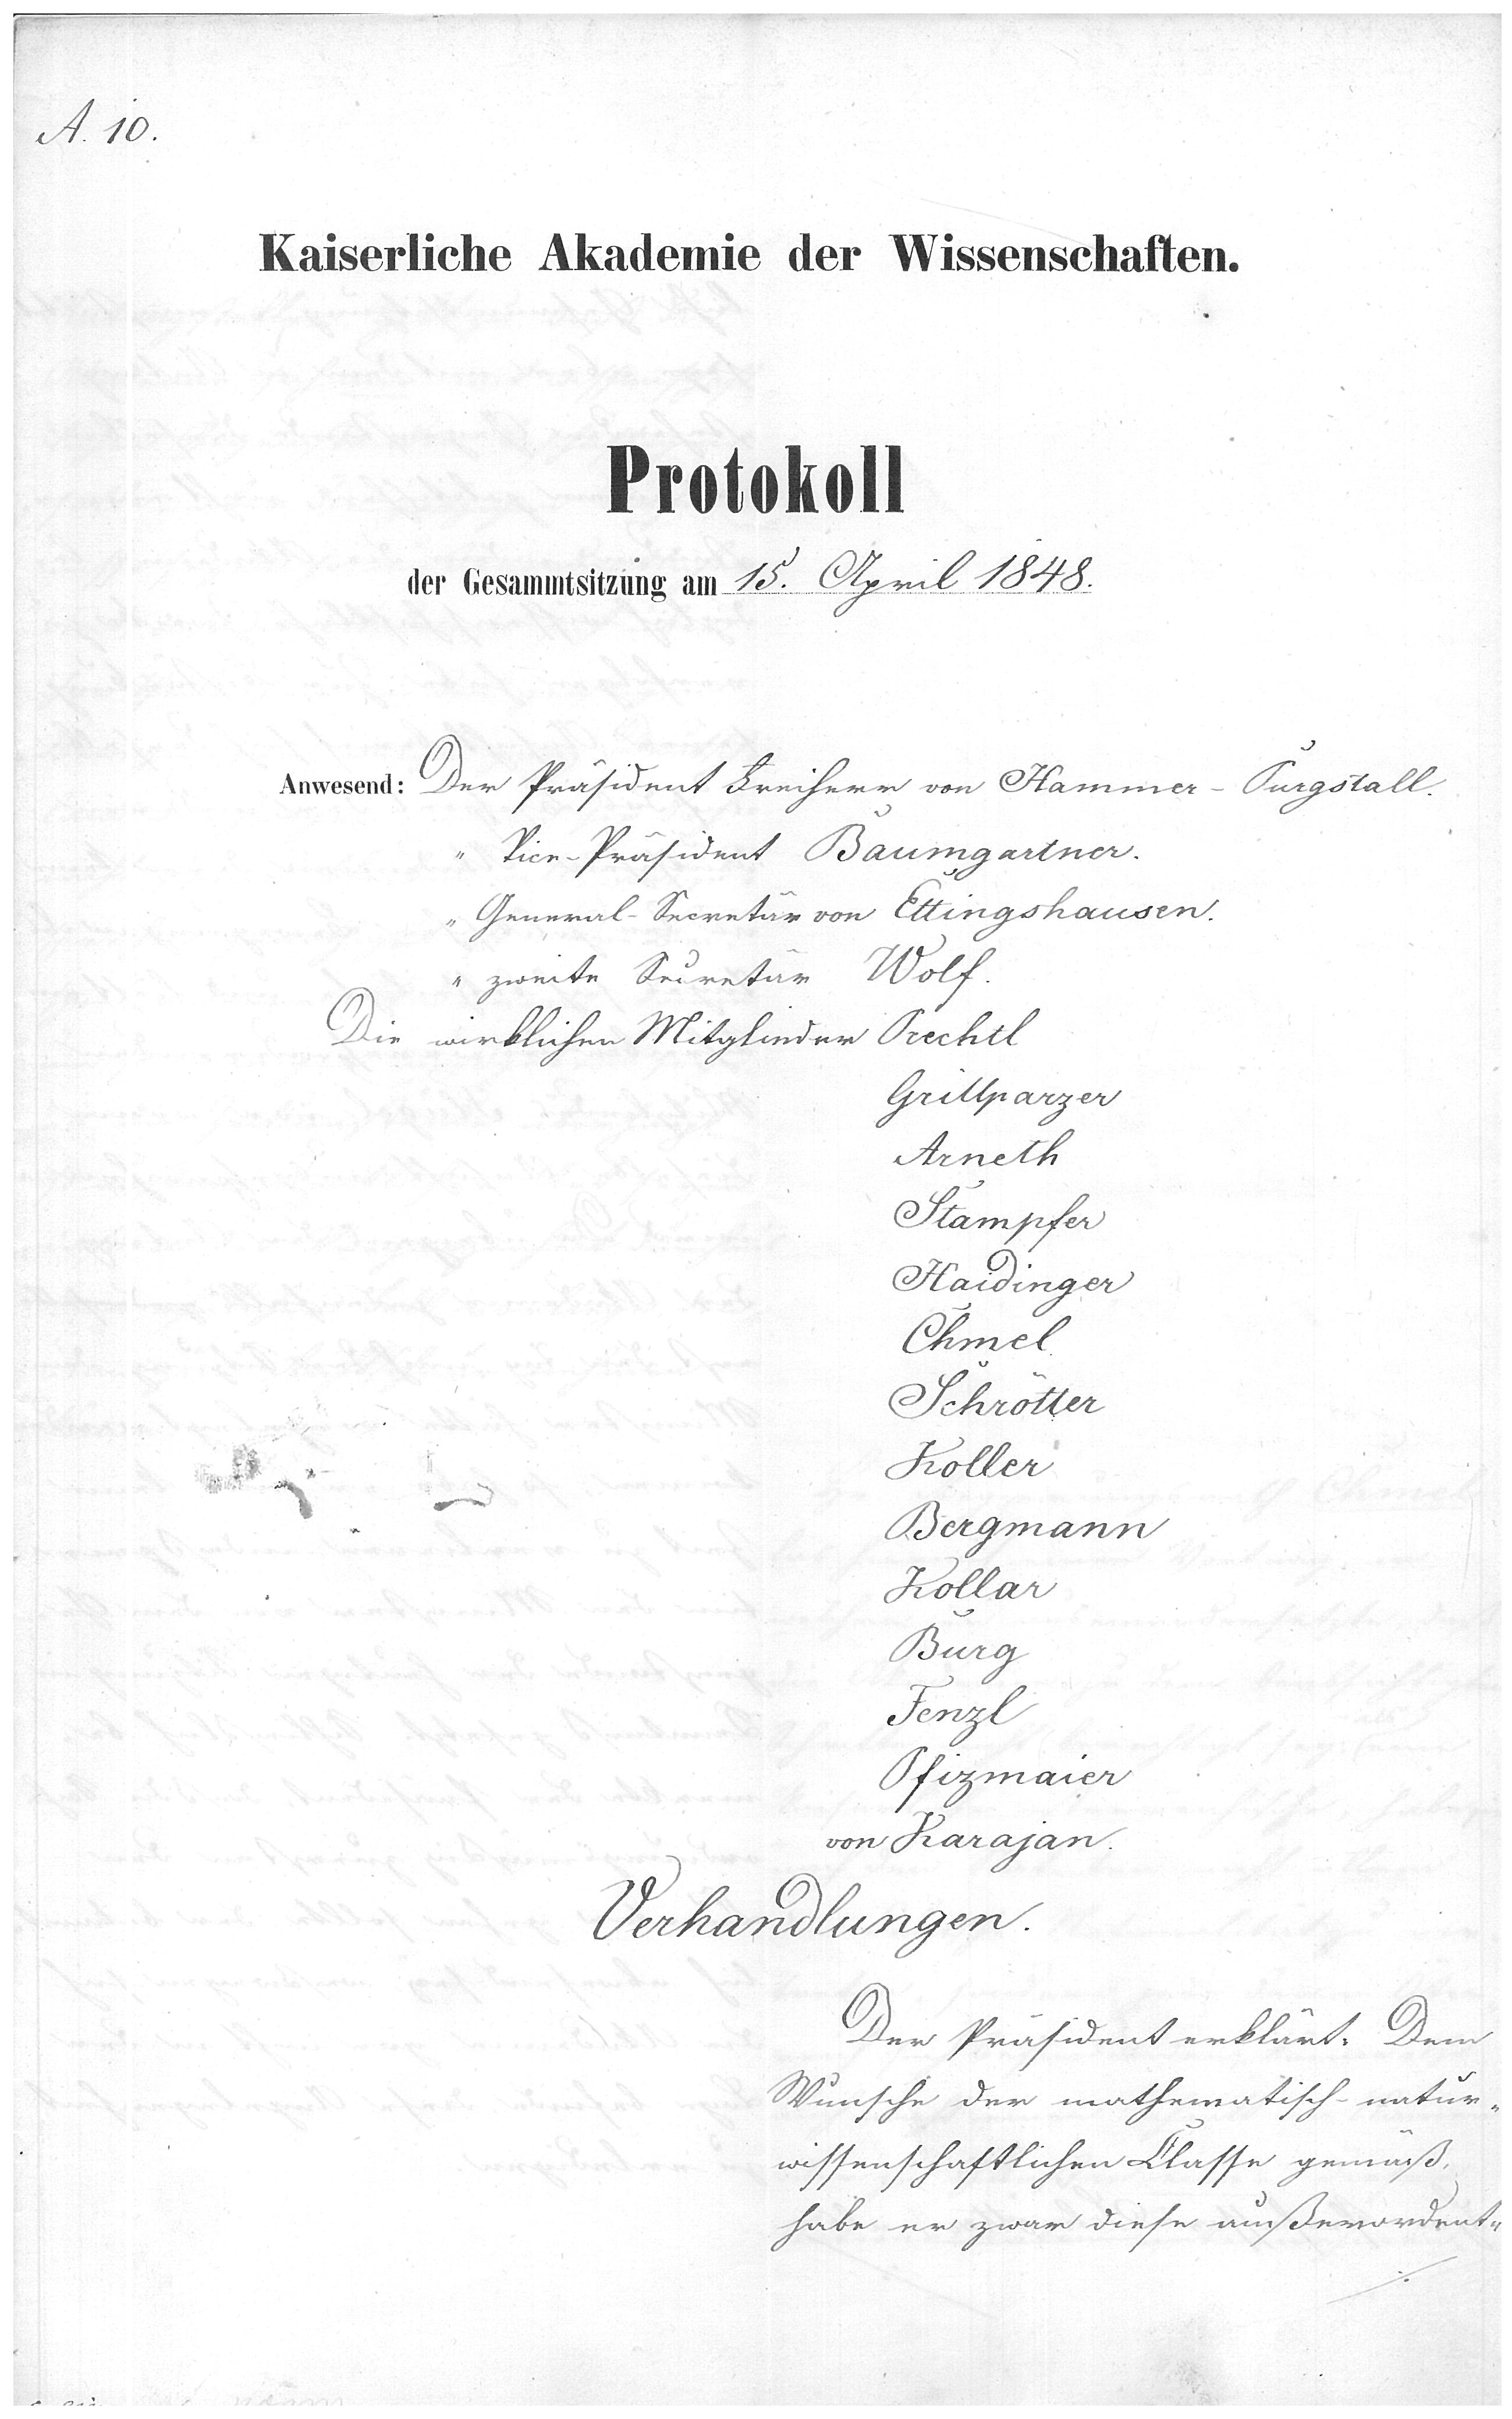A. 10.
Kaiserliche Akademie der Wissenschaften.
Protokoll
der Gesammtsitzung am 15. April 1848.
Anwesend: Der Präsident Freiherr von Hammer-Purgstall
" Vice-Präsident Baumgartner.
" General-Secretär von Ettingshausen.
" zweite Secretär Wolf.
Die
wirklichen Mitglieder Prechtl
Grillparzer
Arneth
Stampfer
Haidinger
Chmel
Schrötter
Koller
Bergmann
Kollar
Burg
Fenzl
Pfizmaier
von Karajan
Verhandlungen.
Der Präsident erklärt: Dem
Wünsche der mathematisch-natur-
wissenschaftlichen Classe gemäß
habe er zwar diese außerordent-